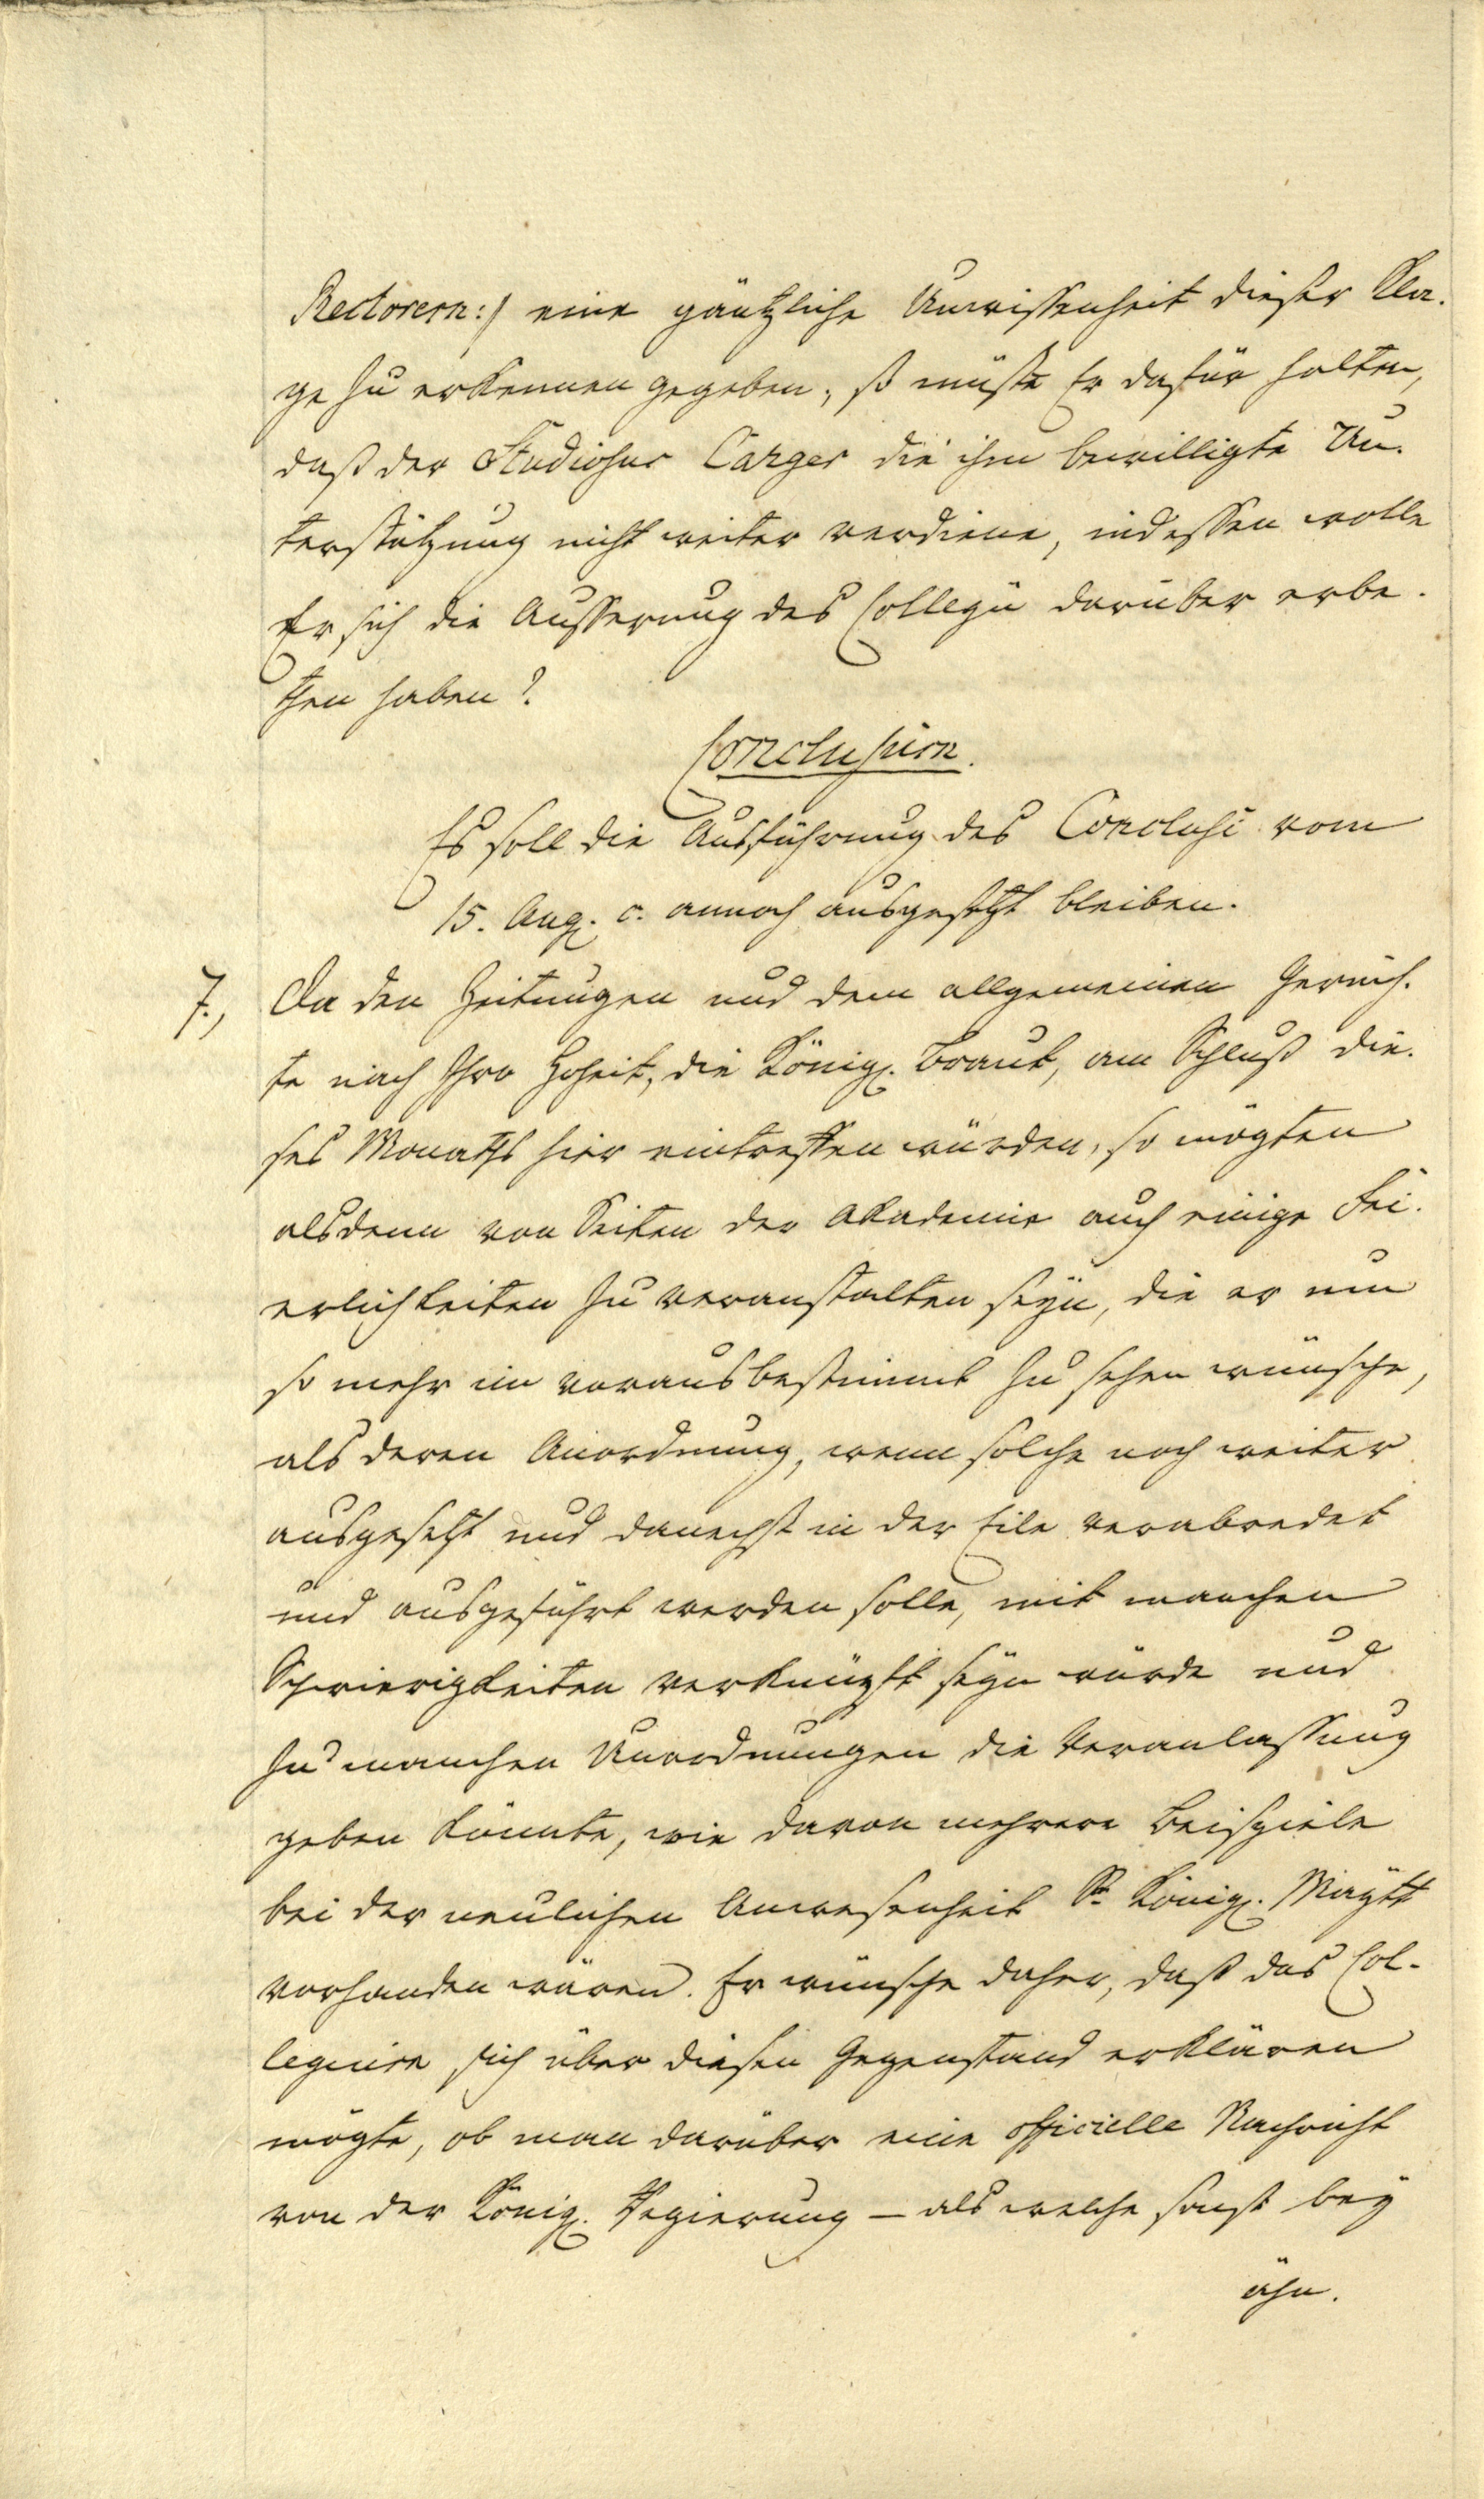Rectorem:/ eine gäntzliche Unwissenheit dieser Kla¬
ge zu erkennen gegeben, so müsste Er dafür halten,
daß der Studiosus Carger die ihm bewilligte Un¬
terstützung nicht weiter verdiene, indessen wolle
Er sich die Äusserung des Collegii darüber erbe¬
then haben?
Conclusum
Es soll die Ausführung des Conclusi vom
15. Aug. c. annoch ausgesetzt bleiben.
7., Da den Zeitungen und dem allgemeinen Gerüch¬
te nach Ihro Hoheit, die Königl. Braut, am Schluß die¬
ses Monaths hier eintreffen würden, so mögten
alsdenn von Seiten der Akademie auch einige Fei¬
erlichkeiten zu veranstalten seÿn, die er um
so mehr im voraus bestimmt zu sehen wünsche,
als deren Anordnung, wenn solche noch weiter
ausgesetzt und danechst in der Eile verabredet
und ausgeführt werden solle, mit manchen
Schwierigkeiten verknüpft seÿn würde und
zu manchen Unordnungen die Veranlassung
geben könnte, wie davon mehrere Beispiele
bei der neulichen Anwesenheit Sr Königl. Maÿtt
vorhanden wären. Er wünsche daher, daß das Col¬
legium sich über diesen Gegenstand erklären
mögte, ob man darüber eine officielle Nachricht
von der Königl. Regierung als welche sonst beÿ
ähn.